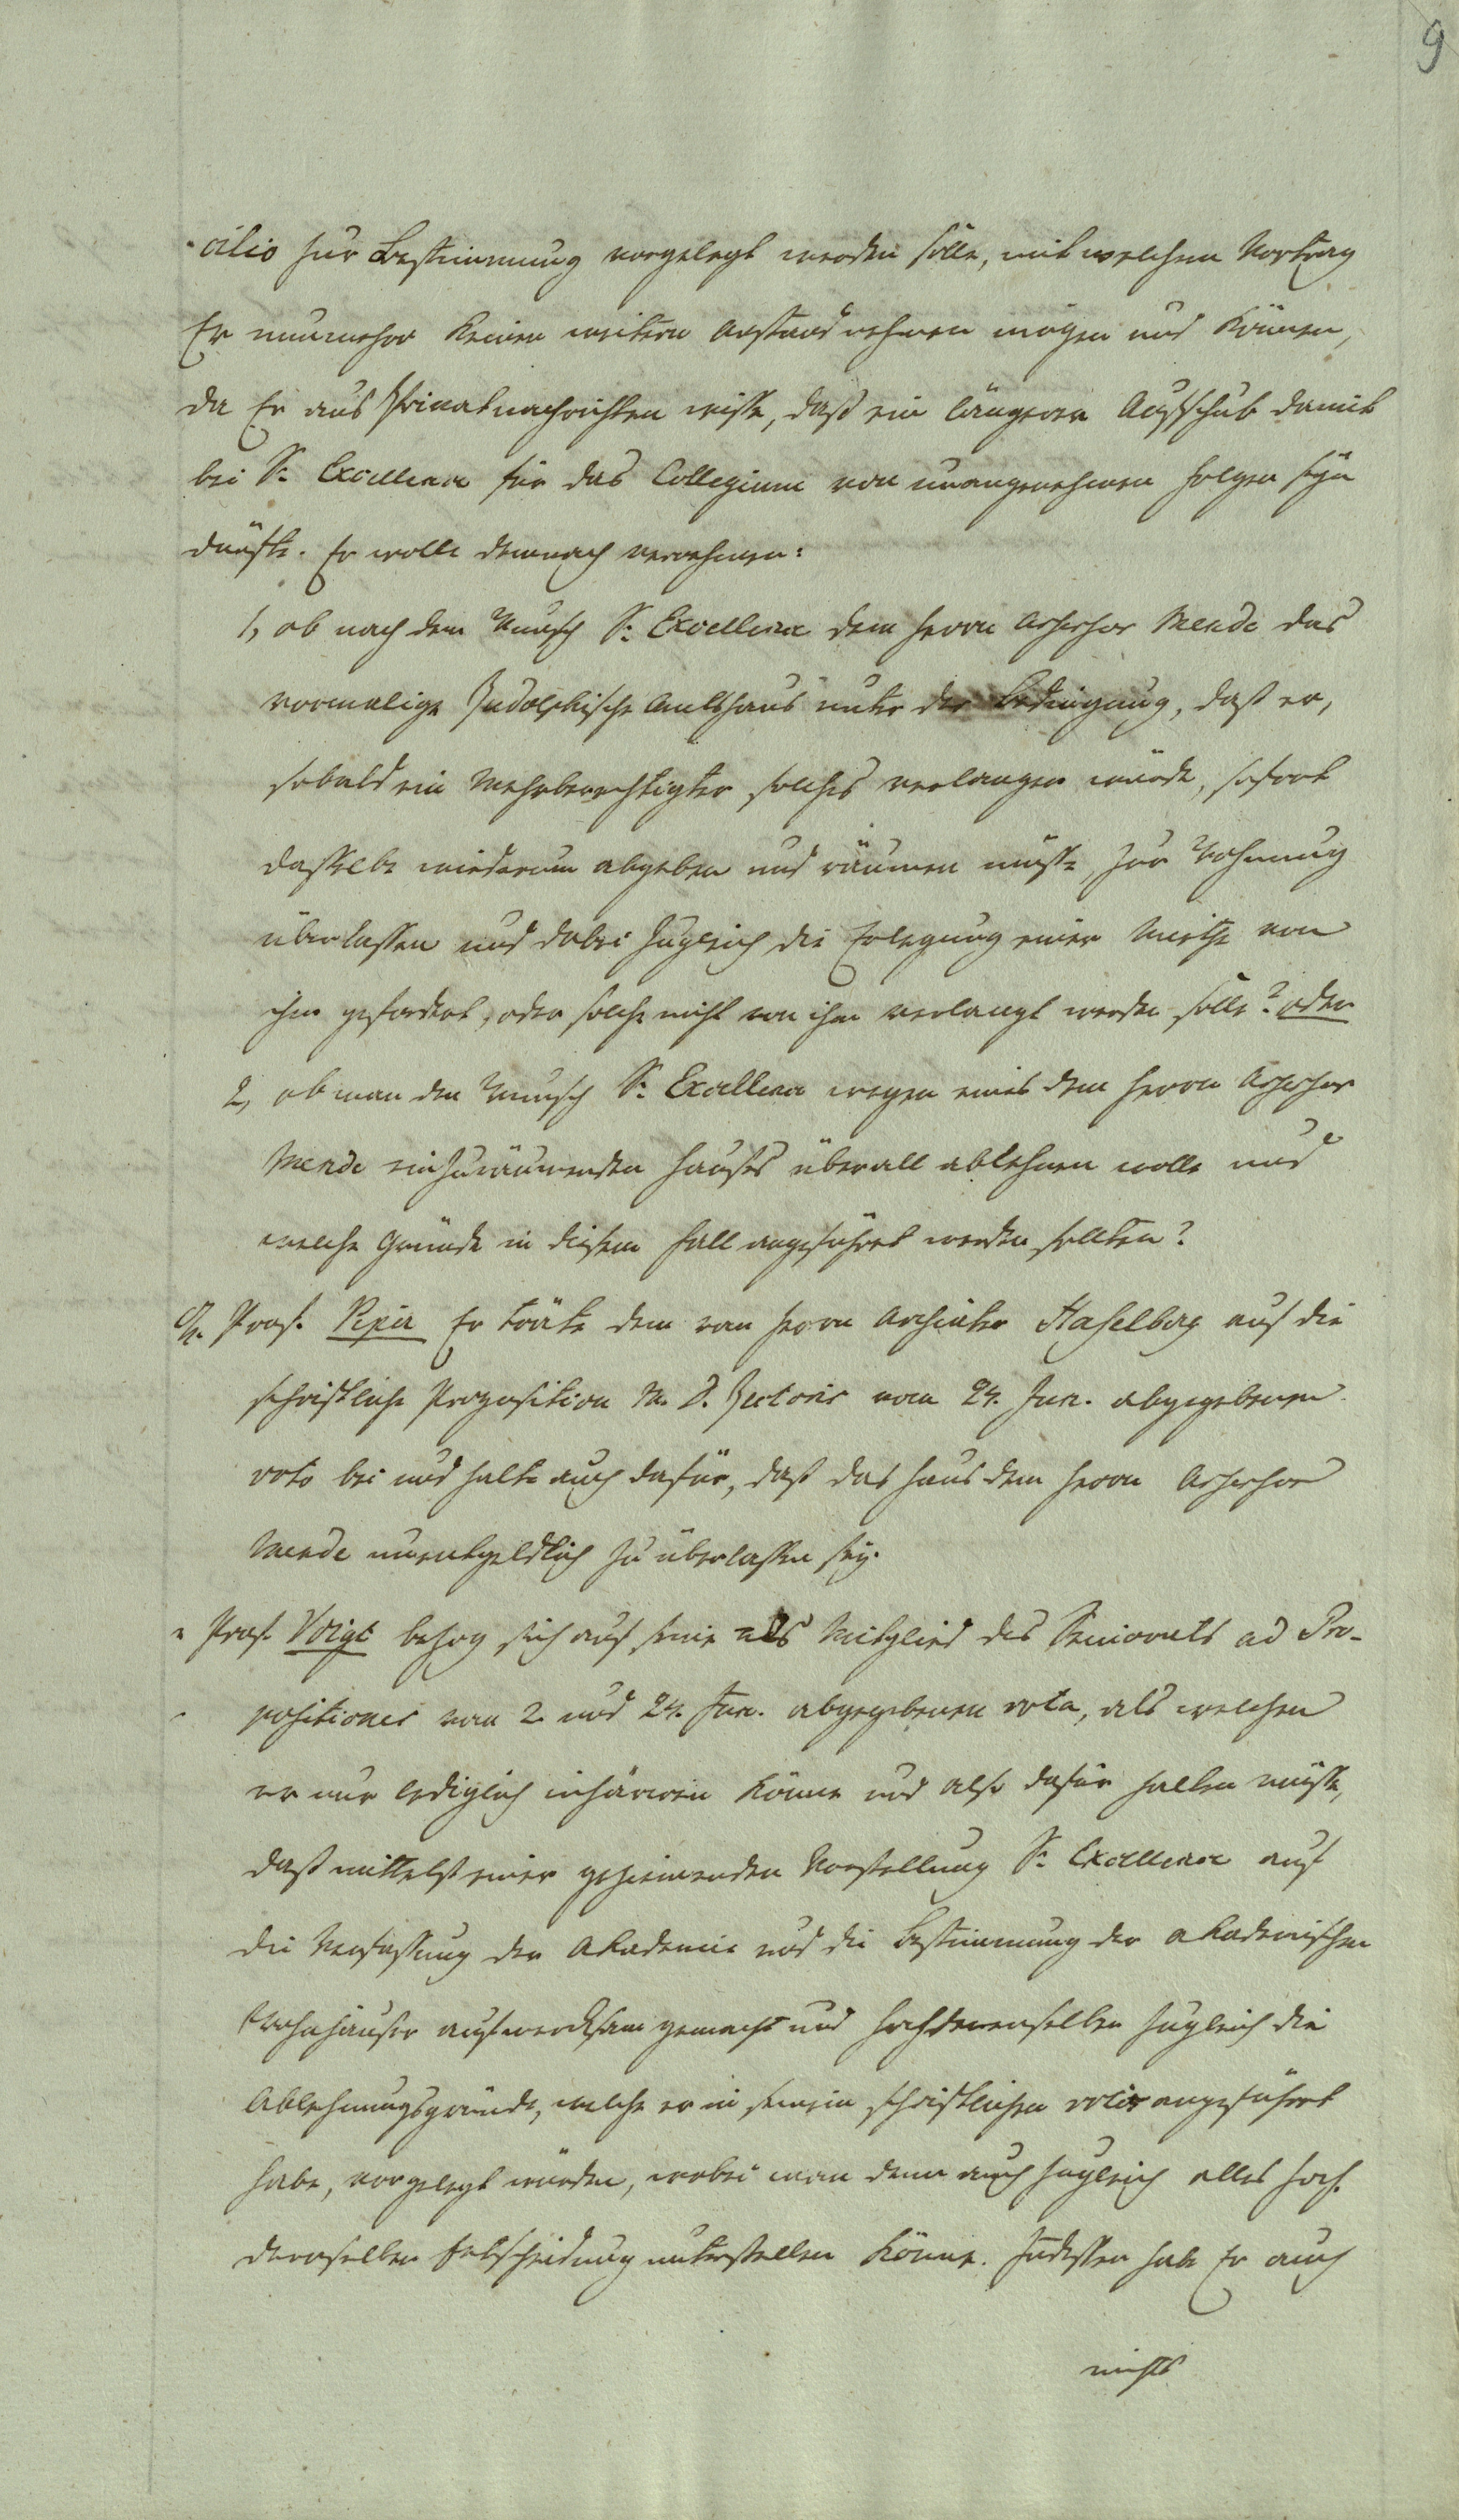cilio zur Bestimmung vorgelegt werden solle, mit welchem Vortrag
Er nunmehro keinen weitern Anstand nehmen mögen und können,
da Er aus Privatnachrichten wisse, daß ein längerer Aufschub damit
bei Sr. Excellence für das Collegium von unangenehmen Folgen seÿn
dürfte. Er wolle demnach vernehmen:
1, ob nach dem Wunsch Sr. Excellence dem herrn Assessor Mende das
vormalige Rudolphische Amtshaus unter der Bedingung, daß er,
sobald ein Mehrberechtigter solches verlangen würde, sofort
dasselbe wiederum abgeben und räumen müsse, zur Wohnung
überlassen und dabei zugleich die Erlegung einer Miethe von
ihm gefordert, oder solche nicht von ihm verlangt werden solle? oder
2. ob man den Wunsch Sr. Excellence wegen eines dem herrn Assessor
Mende einzuräumenden hauses überall ablehnen wolle und
welche Gründe in diesem Fall angeführet werden sollten?
dh. Prof. Piper Er träte dem vom herrn Archiater Haselberg auf die
schriftliche Proposition M. D. Rectoris vom 24. Jun. abgegebene
voto bei und halte auch dafür, daß das Haus dem herrn Assessor
Mende unentgeldlich zu überlassen seÿ.
Prof. Voigt bezog sich auf seine als Mitglied des Seniorats ad Pro¬
positiones vom 2. und 24. Jun. abgegebenen vota, als welchem
ernur lediglich inhäriren könne und also dafür halen müsse,
daß mittelst einer geziemenden Vorstellung Sr. Excellence auf
die Verfassung der Akademie und die Bestimmung der akademischen
Wohnhäuser aufmercksam gemacht und hochdenenselben zugleich die
Ablehnungsgründe, welche in seinen schriftlichen votis angeführet
habe, vorgelegt würden, wobei man denn auch sogleich alles hoch¬
deroselben Entscheidung unterstellen könne. Indessen habe Er auch
nichts